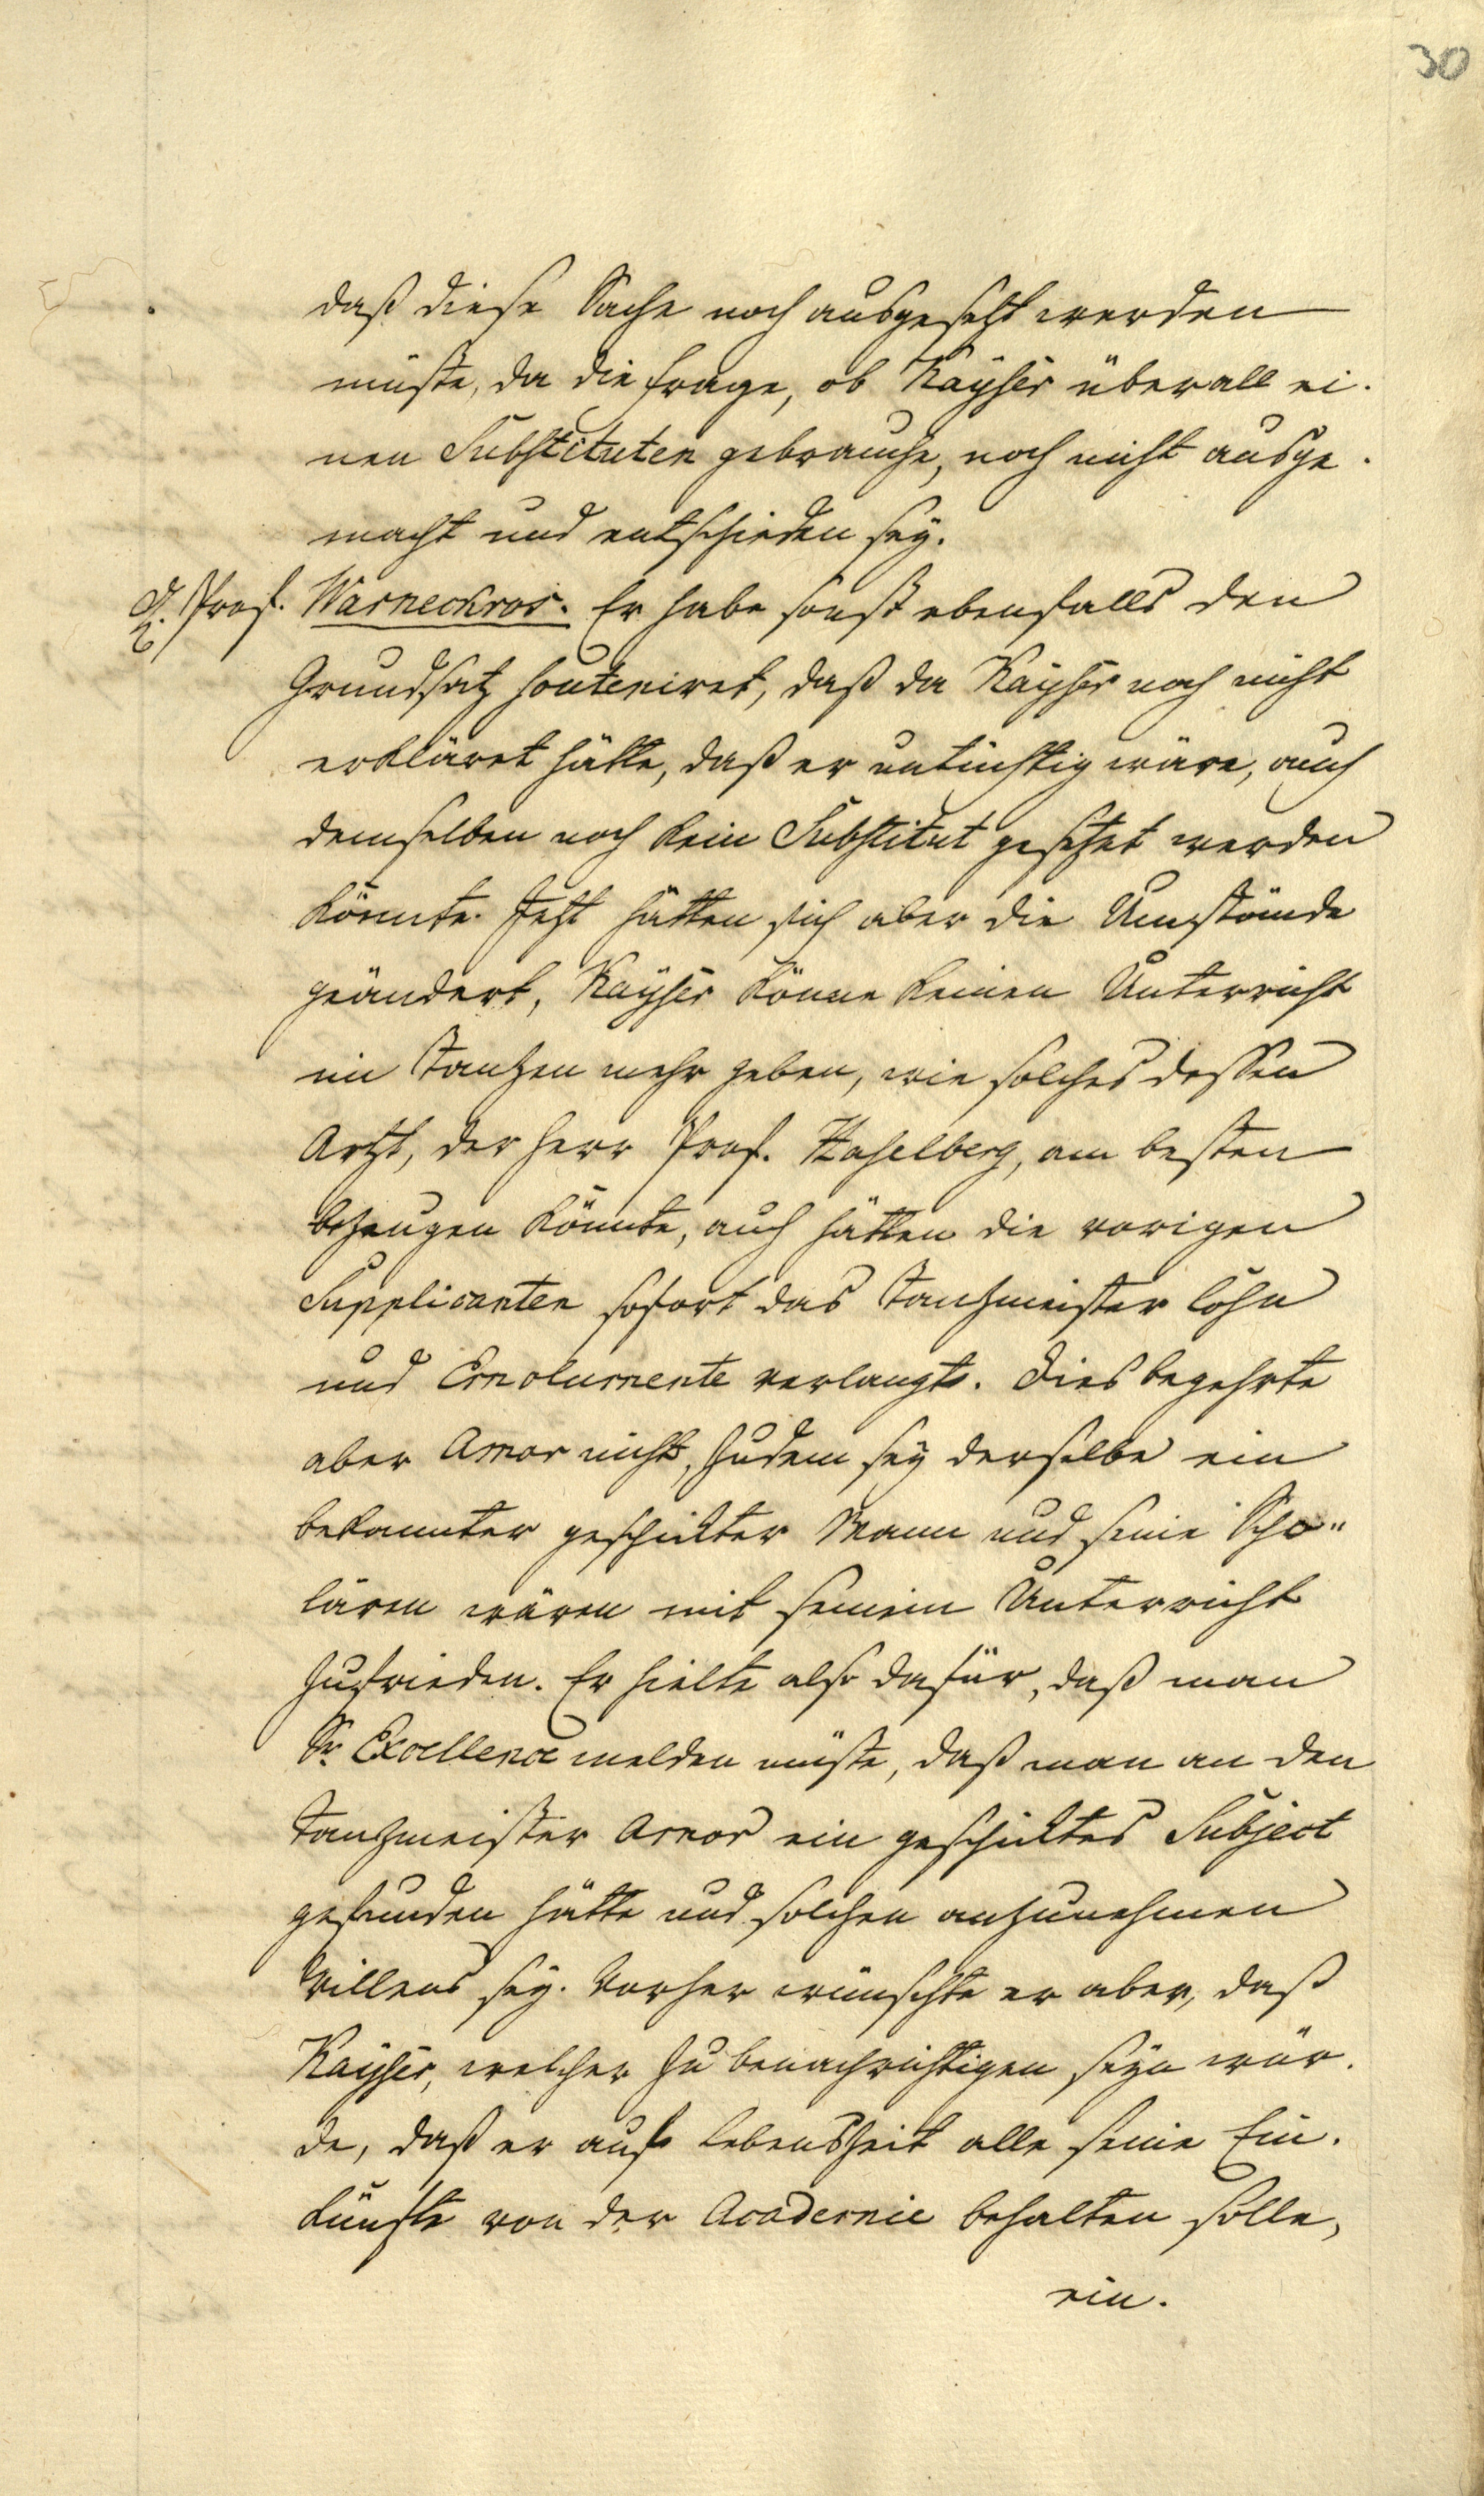daß diese Sache noch ausgesetzt werden
müßte, da die Frage, ob Kayser überall ei-
nen Substituten gebrauche, noch nicht ausge-
macht und entscheiden sey.
dh. Prof. Warneckros. Er habe sonst ebenfalls den
Grundsatz souteniret, daß da Kayser noch nicht
erkläret hätte, daß er untüchtig wäre, auch
demselben noch kein Substitut gesetzet werden
könnte. Jetzt hätten sich aber die Umstände
geändert, Kayser könne keinen Unterricht
im Tanzen mehr geben, wie solches dessen
Arzt, der Herr Prof. Haselberg, am besten
bezeugen könnte, auch hätten die vorigen
Supplicanten sofort das Tanzmeister Lohn
und Emolumente verlangt. Dies begehrte
aber Amor nicht, zudem sey derselbe ein
bekannter geschickter Mann und seine Scho-
laren wären mit seinem Unterricht
zufrieden. Er hielte also dafür, daß man
Sr. Excellence melden müßte, daß man an den
Tanzmeister Amor ein gechicktes Subject
gefunden hätte und solchen anzunehmen
Willens sey. Vorher wünschte er aber, daß
Kayser, welcher zu benachrichtigen seyn wür-
de, daß er auf Lebenszeit alle seine Ein-
künfte von der Academie behalten solle,
ein-